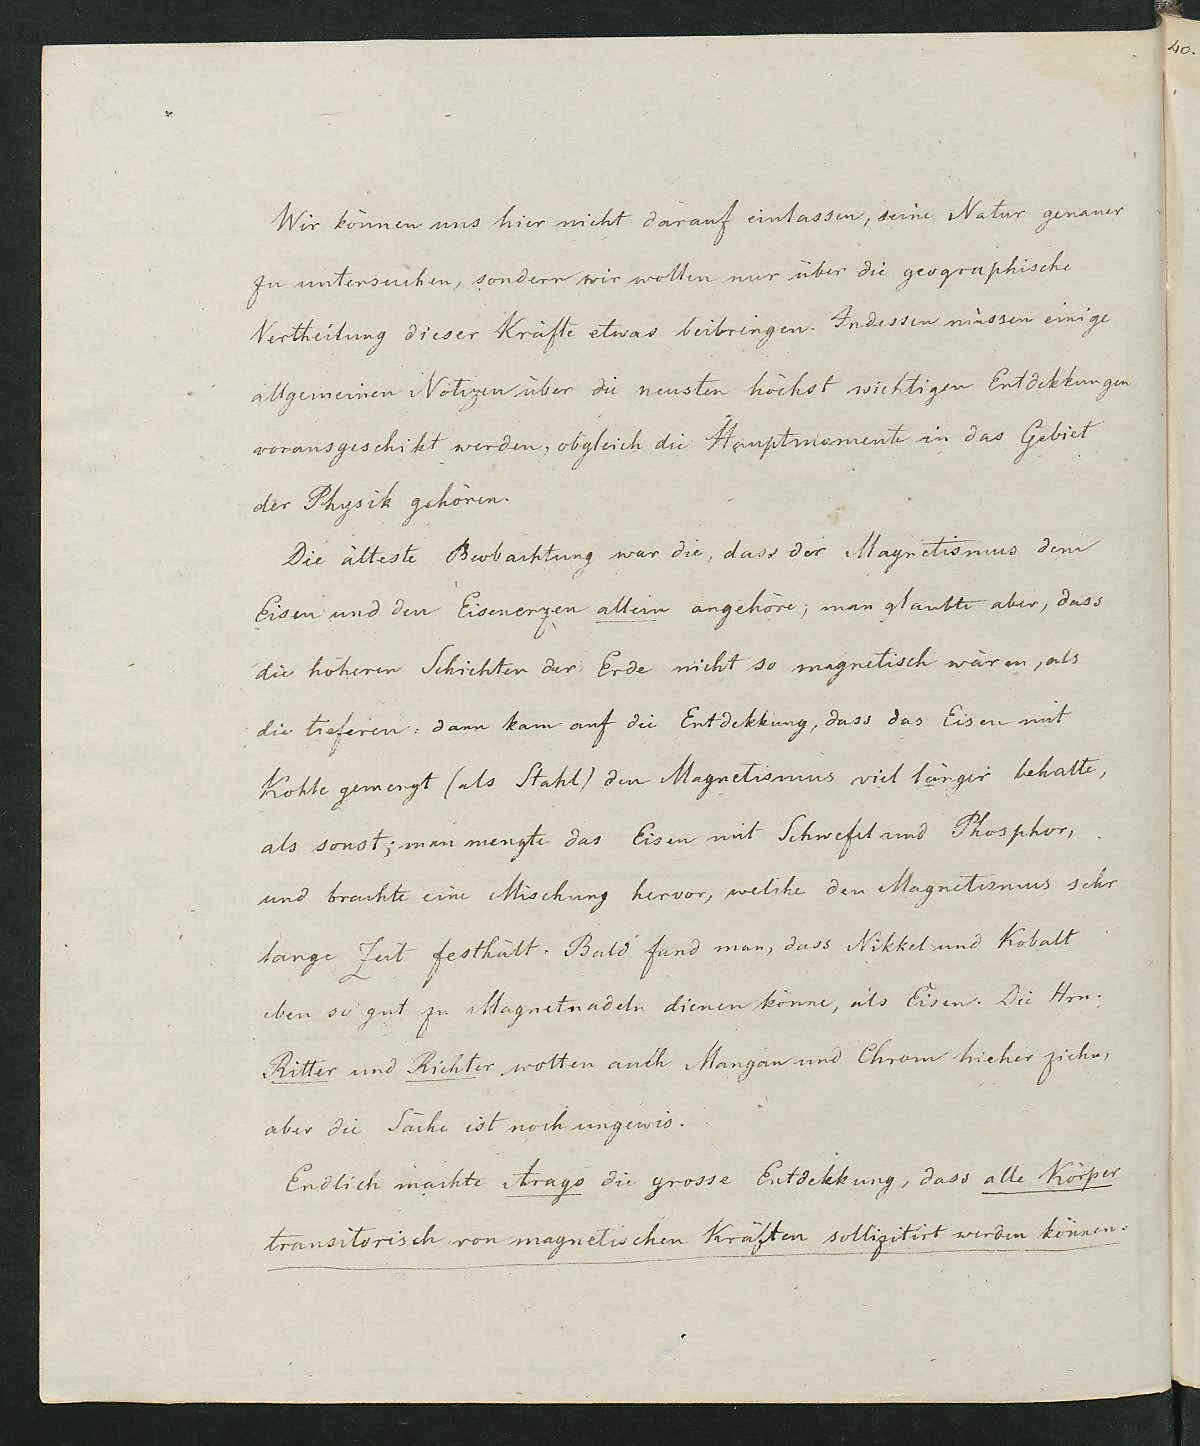Wir können uns hier nicht darauf einlassen, seine Natur genauer
zu untersuchen, sondern wir wollen nur über die geographische
Vertheilung dieser Kräfte etwas beibringen. Indessen müssen einige
allgemeinen Notizen über die neusten höchst wichtigen Entdekkungen
vorausgeschikt werden, obgleich die Hauptmomente in das Gebiet
der Physik gehören.
Die älteste Beobachtung war die, dass der Magnetismus dem
Eisen und den Eisenerzen allein angehöre; man glaubte aber, dass
die höheren Schichten der Erde nicht so magnetisch wären, als
die tieferen: dann kam auf die Entdekkung, dass das Eisen mit
Kohle gemengt den Magnetismus viel länger behalte,
als sonst; man mengte das Eisen mit Schwefel und Phosphor,
und brachte eine Mischung hervor, welche den Magnetismus sehr
lange Zeit festhält. Bald fand man, dass Nikkel und Kobalt
eben so gut zu Magnetnadeln dienen könne, als Eisen. Die Hrn.
Ritter und Richter wolten auch Mangan und Chrom hieher ziehn,
aber die Sache ist noch ungewis.
Endlich machte Arago die grosse Entdekkung, dass alle Körper
transitorisch von magnetischen Kräften sollizitirt werden können: